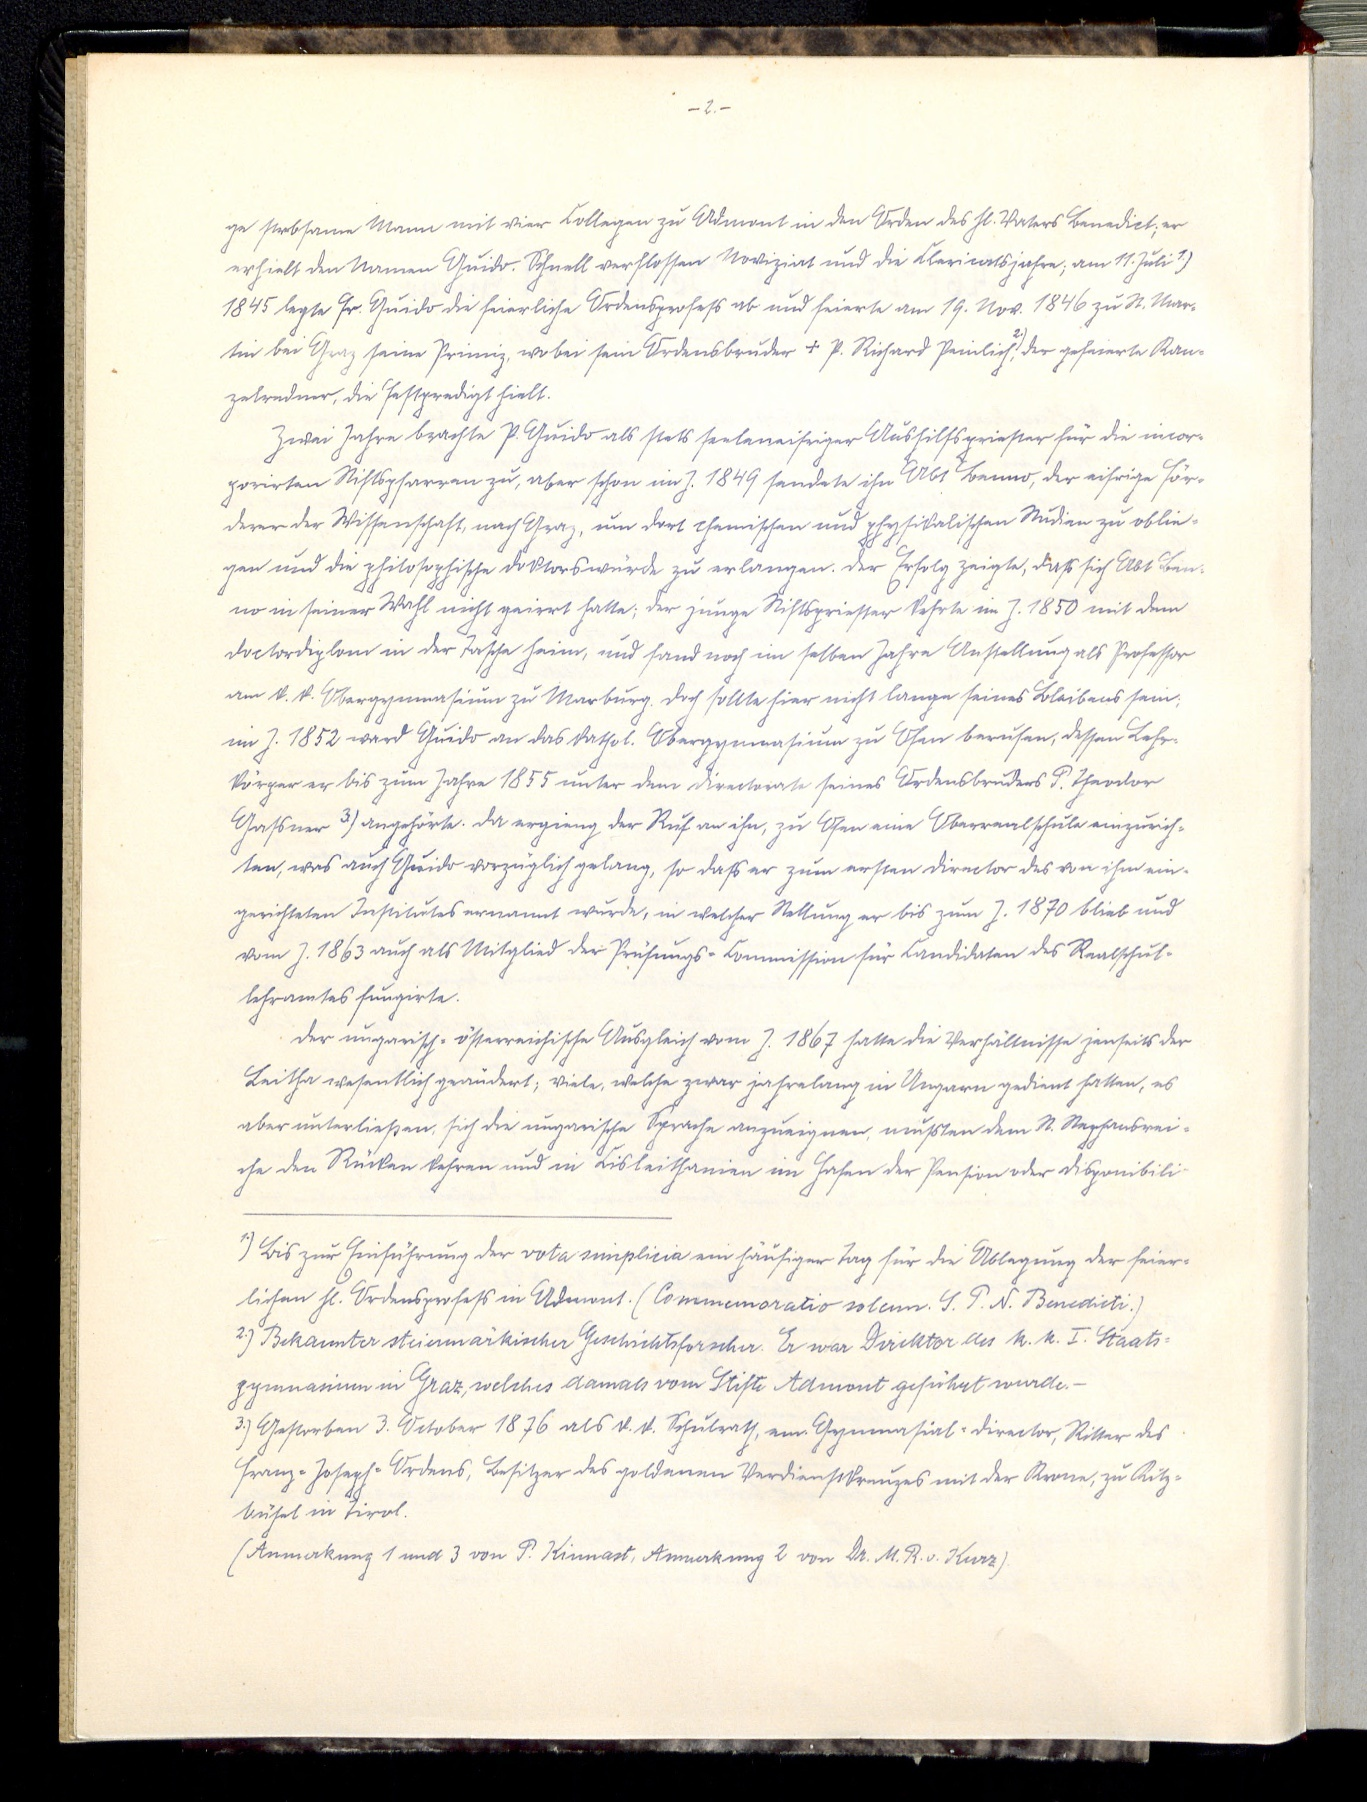-2.-
ge strebsame Mann mit vier Collegen zu Admont in den Orden des hl. Vaters Benedict; er
erhielt den Namen Guido. Schnell verflossen Noviziat und die Clericatsjahre; am 11. Juli1.)
1845 legte Fr. Guido die feierliche Ordensprofess ab und feierte am 14. Nov. 1846 zu St. Mar-
tin bei Graz seine Primiz, wobei sein Ordensburder + P. Richard Peinlich2.), der gefeierte Kan-
zelredner, die Festpredigt hielt.
Zwei Jahre brachte P. Guido als stets seeleneifriger Aushilfspriester für die incor-
porierten Stiftspfarren zu, aber schon im J. 1849 sendete ihn Abt Benno, der eifrige För-
derer der Wissenschaft, nach Graz, um dort chemische und physikalische Studien zu oblie-
gen und die philosophische Doctorswürde zu erlangen. Der Erfolg zeigte, dass sich Abt Ben-
no mit seiner Wahl nicht geirrt hatte; der junge Stiftspriester kehrte im J. 1850 mit dem
Doctordiplion in der Tasche heim, und fand noch im selben Jahre Anstellung als Professor
am k. k. Obergymnasium zu Marburg. Doch sollte hier nicht lange seines Bleibens sein;
im J. 1852 ward Guido an das dathol. Obergymnasium zu Ofen berufen, dessen Lehr-
körper er bis zum Jahre 1855 unter dem Directorate seines Ordensbruders P. Theodor
Gasser3.) angehörte. Da erging der Ruf an ihn, zu Ofen eine Oberrealschule einzurich-
ten, was auch Guido vorzüglich gelang, so dass er zum ersten Director des von ihm ein-
gerichteten Institutes ernannt wurde, in welcher Stellung er bis zum J. 1870 blieb und
vom J. 1863 auch als Mitglied der Prüfungs-Commission für Candidaten des Realschul-
lehramtes fungierte.
Der ungarisch-österreichische Ausgleich vom J. 1867 hatte die Verhältnisse jenseits der
Leitha wesentlich geändert; viele, welche zwar jahrelang in Ungarn gedient hatten, es
aber unterließen sich der ungarischn Sprache anzuzeigen, musste dem St. Stephansrei-
che den Rücken kehren und in Cisleithanien im Hafen der Pansion oder Disponibili-
1.) Bis zur Einführung der vota simplicia ein häufiger Tag für die Ablegung der feier-
lichen hl. Ordensprofess in Admont. (Commemoratio volum. S. P. N. Benedicti.)
2.) Bekannter steiermärkischer Geschichtsforscher. Er war Direktor des k. k. I. Staats-
gymnasium in Graz, welches damals vom Stifte Admont geführt wurde. -
3.) Gestorben 3. October 1876 als k. k. Schulrath, ein Gymnasial-Director, Ritter des
Franz-Joseph-Ordens, Besitzer des goldenen Verdienstkreuzes mit der Kron, zu Kitz-
bühel in Tirol.
(Anmerkung 1 und 3 von P. Kienast, Anmerkung 2 von Dr. M. R. v. Karz)